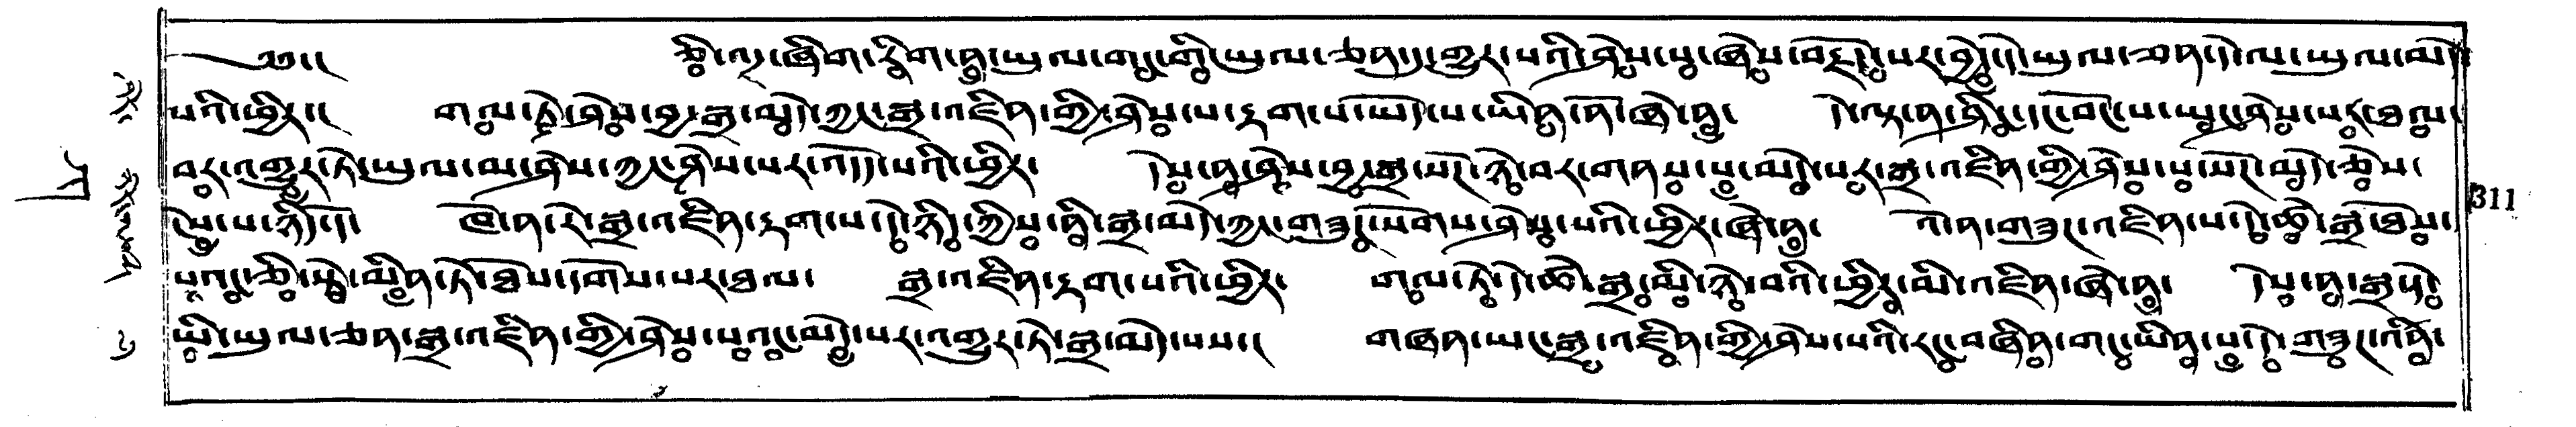ཅི་འདྲ་ཞིག་རིག་ན་ཡུལ་གང་གི་ཡུལ་ཅན་དུ་གྱུར་པའི་ཤེས་པ་ཞེས་བརྗོད་པར་བྱེད་དེ་ཡུལ་ཅན་དེ་ལ་ཡུལ་མེད་
པའི་ཕྱིར། གལ་ཏེ་ཤེས་བྱ་སྒྲ་མེད་ཀྱང་སྒྲ་འཛིན་གྱི་ཤེས་པ་རྟག་པ་ཡོད་པ་ཡིན་ནོ་ཞེ་ན། དེ་ལྟ་ན་ཤིང་དང་བོང་བ་ཡང་ཤེས་པར་ཐལ་
བར་འགྱུར་ཏེ་ཡུལ་མ་ཤེས་ཀྱང་ཤེས་པར་འདོད་པའི་ཕྱིར། དེས་ན་ཤེས་བྱ་སྒྲ་སོགས་ཉེ་བར་གནས་པ་མེད་པར་སྒྲ་འཛིན་གྱི་ཤེས་པ་སོགས་མེད་ཅེས་
ངེས་པ་ཉིད་དོ།། ཁོ་ན་རེ་སྒྲ་འཛིན་རྟག་པ་དེ་ཉིད་ཀྱིས་ནི་སྒྲ་མེད་ཀྱང་གཟུགས་སོགས་ཤེས་པའི་ཕྱིར་ཞེ་ན། འོ་ན་གཟུགས་འཛིན་པ་དེ་ཚེ་སྒྲ་ཐོས་
པའང་ཅི་སྟེ་མིན་ཏེ་ཐོས་དགོས་པར་ཐལ།སྒྲ་འཛིན་རྟག་པའི་ཕྱིར། གལ་ཏེ་དེ་ཚེ་སྒྲ་མི་ཉེ་བའི་ཕྱིར་མི་འཛིན་ཞེ་ན། དེས་ན་སྒྲ་དེའི་
ཡི་ཡུལ་ཅན་སྒྲ་འཛིན་གྱི་ཤེས་པའང་མེད་པར་འགྱུར་ཏེ་སྒྲ་མེད་པས། གཞན་ཡང་སྒྲ་འཛིན་གྱི་ཤེས་པའི་རང་བཞིན་གང་ཡིན་པ་དེ་གཟུགས་འཛིན་